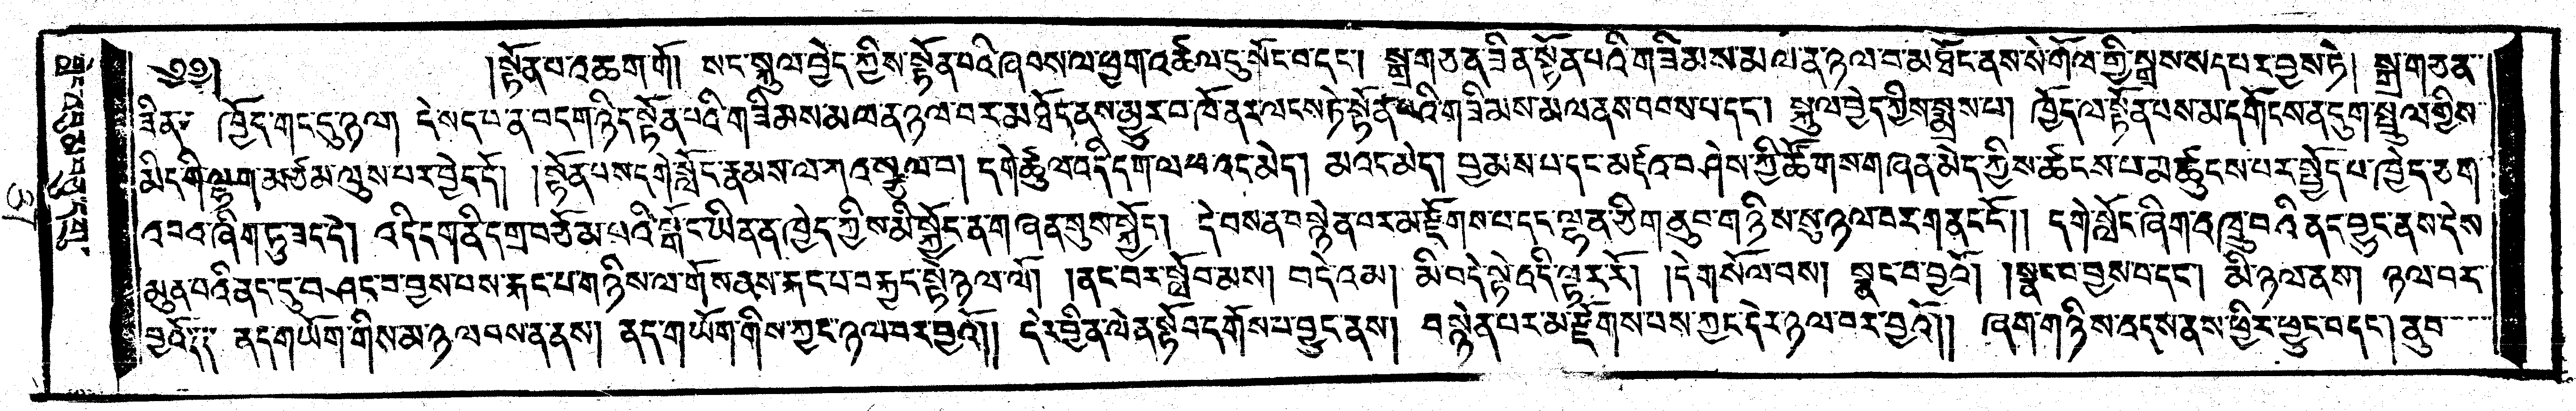༄༅། །སྟོན་པ་འཆག་གོ། སང་སྐུལ་བྱེད་ཀྱིས་སྟོན་པའི་ཞབས་ལ་ཕྱག་འཚལ་དུ་སོང་བ་དང་། སྒྲ་གཅན་ཟིན་སྟོན་པའི་གཟིམས་མལ་ན་ཉལ་བ་མཐོང་ནས་སེ་གོལ་གྱི་སྒྲས་སད་པར་བྱས་ཏེ། སྒྲ་གཅན་
ཟིན༑ ཁྱོད་གང་དུ་ཉལ། དེ་སད་པ་ན་བདག་ཉིད་སྟོན་པའི་གཟིམས་མཁན་ཉལ་བར་མཐོད་ནས་མྱུར་བ་ཁོ་ནར་ལངས་ཏེ་སྟོན་པའི་གཟིམས་མལ་ནས་བབས་པ་དང་། སྐུལ་བྱེད་ཀྱིས་སྨྲས་པ། ཁྱོད་ལ་སྟོན་པས་མ་དགོངས་ན་དུག་སྤྲུལ་གྱིས་
མིང་གི་ལྷག་མ་ཙམ་ལུས་པར་བྱེད་དོ། །སྟོན་པས་དགེ་སློང་རྣམས་ལ་ཀའ་སྩལ་བ། དགེ་ཚུལ་འདི་དག་ལ་ཕ་འང་མེད། མའང་མེད། བྱམས་པ་དང་མཛའ་བཤེས་ཀྱི་ཚོགས་གཞན་མེད་ཀྱིས་ཚངས་པ་མཚུངས་པར་སྤྱོད་པ་ཁྱེད་ཅག་
འབའ་ཞིག་ཏུ་ཟང་དེ། འདི་དག་ནི་དགྲ་བཅོམ་པའི་སྒོ་ང་ཡིན་ན་ཁྱེད་ཀྱིས་མི་སྐྱོང་ན་གཞན་སུས་སྐྱོང་། དེ་བས་ན་བསྙེན་པར་མ་རྫོགས་པ་དང་ལྷན་ཅིག་ནུབ་གཉིས་སུ་ཉལ་བར་གནང་ངོ།། དགེ་སློང་ཞིག་འཁྲུ་བའི་ནང་བྱུང་ནས་དེས་
མུན་པའི་ནང་དུ་བཤད་བ་བྱས་པས་རྐང་པ་གཉིས་ལ་གོས་ནས་རྐང་པ་བརྐྱང་སྟེ་ཉལ་ལོ། །ནང་བར་སློབ་མས། བདེ་འམ། མི་བདེ་སྟེ་འདི་ལྟར་རོ། །དེ་གསོལ་བས། སྣང་བ་བྱའོ། །སྣང་བ་བྱས་པ་དང་། མི་ཉལ་ནས། ཉལ་བར་
བྱའོ༑༑ ནད་གཡོག་གིས་མ་ཉལ་བས་ན་ནས། ནད་གཡོག་གིས་ཀྱང་ཉལ་བར་བྱའོ།། དེར་བྱིན་ལེན་སྟོབ་དགོས་པ་བྱུང་ནས། བསྙེན་པར་མ་རྫོགས་པས་ཀྱང་དེར་ཉལ་བར་བྱའོ།། ཞག་གཉིས་འདས་ནས་ཕྱིར་ཕྱུང་བ་དང་། ནུབ་